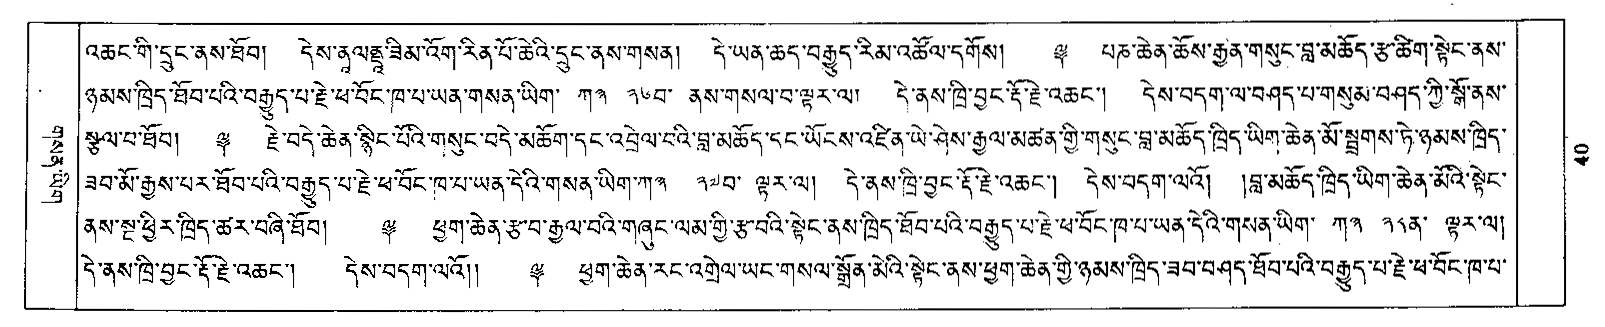འཆང་གི་དྲུང་ནས་ཐོབ། དེས་ནཱ་ལནྡཱ་ཟིམ་འོག་རིན་པོ་ཆེའི་དྲུང་ནས་གསན། དེ་ཡན་ཆད་བརྒྱུད་རིམ་འཚོལ་དགོས། ༈ པཎ་ཆེན་ཆོས་རྒྱན་གསུང་བླ་མཆོད་རྩ་ཚིག་སྟེང་ནས་
ཉམས་ཁྲིད་ཐོབ་པའི་བརྒྱུད་པ་རྗེ་ཕ་བོང་ཁ་པ་ཡན་གསན་ཡིག་ཀ ༣ ༢༦་བ་ནས་གསལ་བ་ལྟར་ལ། དེ་ནས་ཁྲི་བྱང་རྡོ་རྗེ་འཆང་། དེས་བདག་ལ་བཤད་པ་གསུམ་བཤད་ཀྱི་སྒོ་ནས་
སྩལ་བ་ཐོབ། ༈ རྗེ་བདེ་ཆེན་སྙིང་པོའི་གསུང་བདེ་མཆོག་དང་འབྲེལ་བའི་བླ་མཆོད་དང་ཡོངས་འཛིན་ཡེ་ཤེས་རྒྱལ་མཚན་གྱི་གསུང་བླ་མཆོད་ཁྲིད་ཡིག་ཆེན་མོ་སྦྲགས་ཏེ་ཉམས་ཁྲིད་
ཟབ་མོ་རྒྱས་པར་ཐོབ་པའི་བརྒྱུད་པ་རྗེ་ཕ་བོང་ཁ་པ་ཡན་དེའི་གསན་ཡིག་ཀ ༣ ༢༧་བ་ལྟར་ལ། དེ་ནས་ཁྲི་བྱང་རྡོ་རྗེ་འཆང་། དེས་བདག་ལའོ། །བླ་མཆོད་ཁྲིད་ཡིག་ཆེན་མོའི་སྟེང་
ནས་སྔ་ཕྱིར་ཁྲིད་ཚར་བཞི་ཐོབ། ༈ ཕྱག་ཆེན་རྩ་བ་རྒྱལ་བའི་གཞུང་ལམ་གྱི་རྩ་བའི་སྟེང་ནས་ཁྲིད་ཐོབ་པའི་བརྒྱུད་པ་རྗེ་ཕ་བོང་ཁ་པ་ཡན་དེའི་གསན་ཡིག་ཀ ༣ ༢༨་ན་ལྟར་ལ།
དེ་ནས་ཁྲི་བྱང་རྡོ་རྗེ་འཆང་། དེས་བདག་ལའོ།། ༈ ཕྱག་ཆེན་རང་འགྲེལ་ཡང་གསལ་སྒྲོན་མེའི་སྟེང་ནས་ཕྱག་ཆེན་གྱི་ཉམས་ཁྲིད་ཟབ་བཤད་ཐོབ་པའི་བརྒྱུད་པ་རྗེ་ཕ་བོང་ཁ་པ་ར་